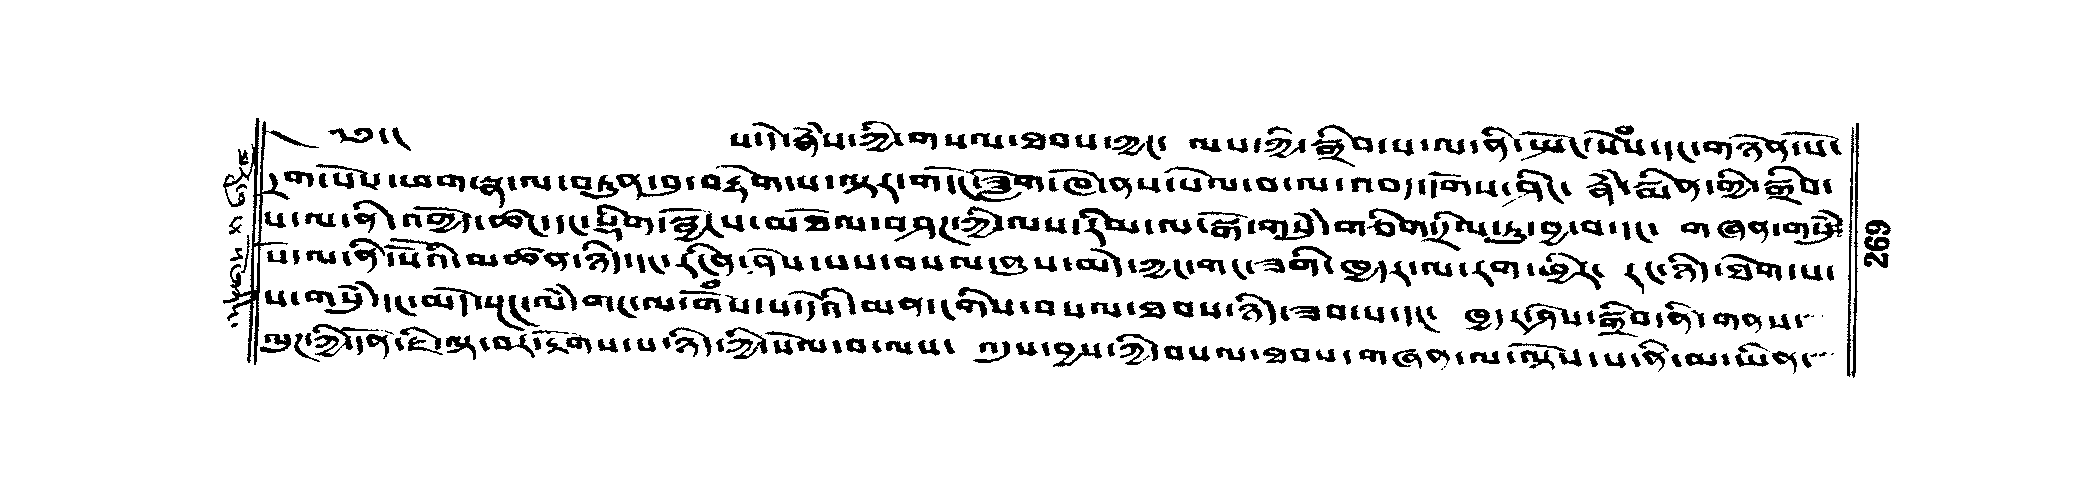་པདེཔརྣམསཔཀྱིཔགསལཔཐབསཔཀྱངཔ། ལསཔཀྱིཔསྒྲིབཔ་པལཔནིཔསྤོངཔསེམསཔདངཔགཉེན་པོ་
དྲགཔ་ོསཔཕགཔསྣཔལཔབཏནཔབུཔབརྡེགཔ་པལྟརཔགདོངཔཟློགཔཁོཔནསཔསེལཔབཔལཔའབདཔདགོསཔཤིངཔ། རྣམཔསྨིནཔགྱིཔསྒྲིབཔ་པལཔནིཔའགྱོདཔཚངཔདངཔསྒྲིབཔསྦྱོངཔམཐོལཔབཤགསཔཀྱིཔལསཔརིམཔལཔསྒོཔགསུམཔགཅིགཔདྲིལཔཏཔབྱཔབཔདངཔ། གཞནཔགསུམ་
པོལཔནིཔསོཔསོའིཔམཚནཔཉིདཔདངཔརངཔབཞིནཔཤེསཔ་སཔབསལཔནུསཔམོདཔཀྱངཔགངཔཟགཔགིཔཁྱདཔ་རཔལཔརགཔཕྱིར། རངཔཉིདཔཐེག་
་པགསུམཔདངཔམདོཔསྔགསཔལམཔགངཔལཔགོམསཔ་པདེའིཔམནཔངགཔགིསཔབསལཔཐབསཔཉིདཔཟབཔ་པདངཔ། ཁྱདཔ་རཔཤེསཔསྒྲིབཔནིཔགནས་
ལུགསཔཀྱིཔདོནཔཇིཔལྟཔབརཔརྟོགསཔ་པཉིདཔཀྱིསཔསེལཔབཔལས། འདུསཔབྱསཔཀྱིཔབསལཔཐབསཔགཞནཔལཔལྟོསཔ་པནིཔམཔཡིནཔ